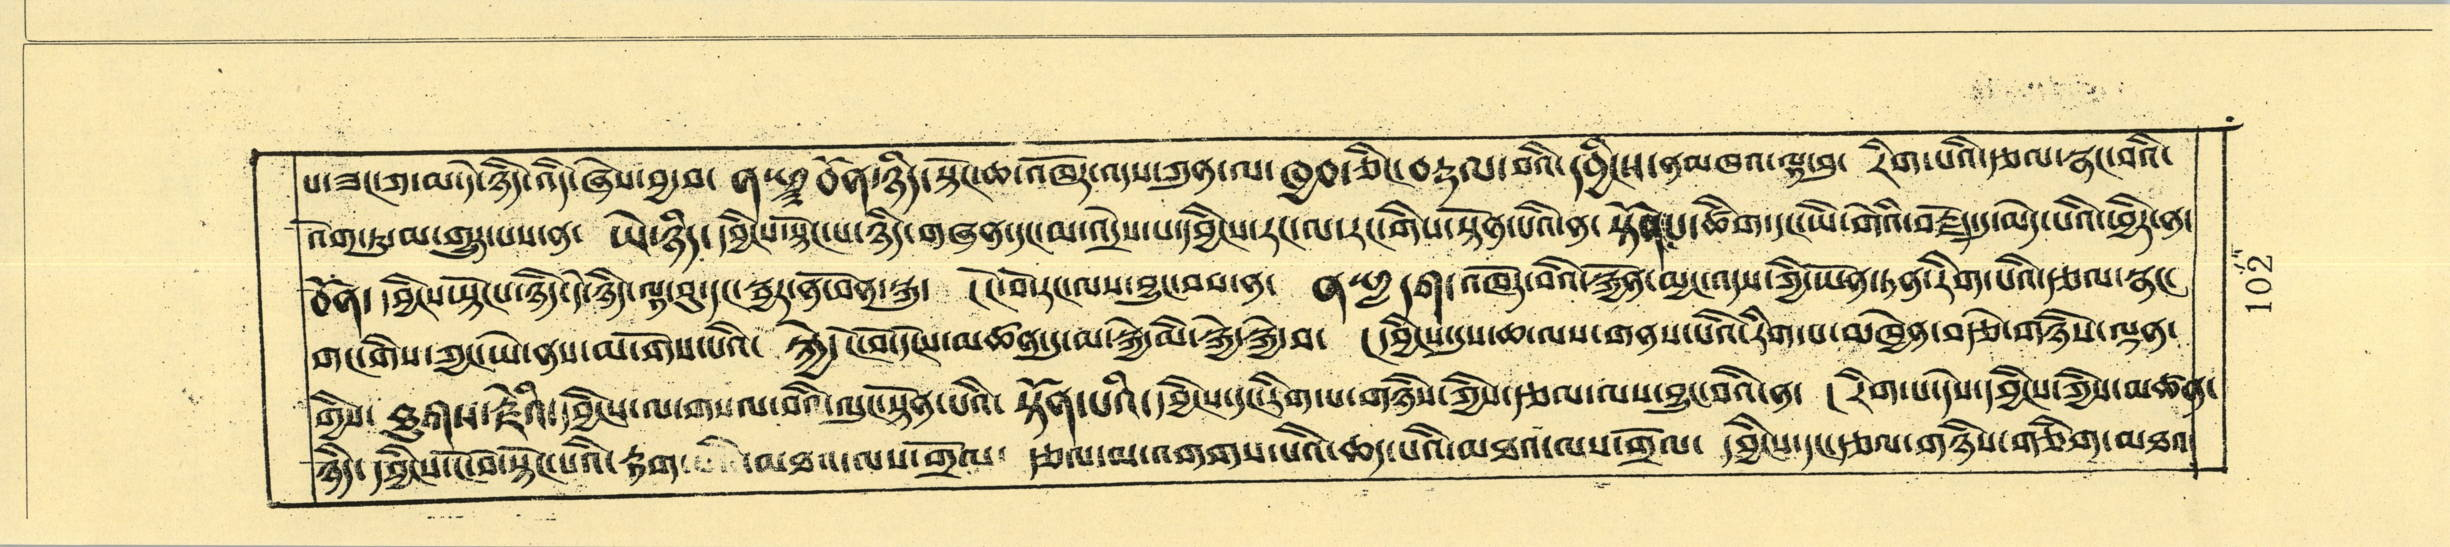པ་ཟང་ཀ་དེ་ཉིད་འདི་ཞེས་བྱ་བ་ན༥༡།༣༼བོན་ཉིད༽སྟོང་ཆ་འཁོར་འདས་ཀུན་ལ་༼ཁྱབ་ཅིང་བརྡལ་བའི་དབྱིངས༽ནམ་མཁའ་ལྟ་བུ་རིག་པའི་རྩལ་སྣང་བའི་
འོག་ཏུ་མ་གྱུར་པས་ན་༼ཡེ་ཉིད༽དབྱིངས་སྟོང་པ་ཉིད་གཞན་དང་མ་འདྲེས་པ་དབྱིངས་རང་ལ་རང་གིས་སྟོན་པས་ན་༼སྟོན་པ༽ཚིག་དང་ཡི་གེས་བརྗོད་དུ་མེད་པའི་ཕྱིར་ན་
༼བོན༽དབྱིངས་སྟོང་པ་ཉིད་དེ་ཉིད་ལྟ་བུ་དང་སྦྱར་ན་བོན་སྐུ་ངོ་བོ་རང་ལས་བྱུང་བས་ན་ན༥༡།༤༼དག༽འཁོར་བའི་སྐྱོན་མྱང་འདས་ཀྱི་ཡོན་ཏན་རིག་པའི་རྩལ་སྣང་
གང་གིས་ཀྱང་ཡེ་ནས་མ་གོས་པའི་༼སྐྱེ༽ངོ་བོ་དངོས་མཚན་དུ་མ་སྐྱེ་མི་སྐྱེ་སྐྱེ་བ་དབྱིངས་དུས་ཆ་ལ་གནས་པའི་རིག་པ་མཁྱེན་བརྩེ་གཉིས་ལྡན་
གྱིས་༼ཐུགས་རྗེའི༽དབྱིངས་ལ་གསལ་བའི་ལུང་སྟོན་པའི་༼སྟོན་པའི༽དབྱིངས་དང་རིག་པ་གཉིས་ཀྱི་རྩལ་ལས་བྱུང་བས་ན་རིག་པ་དེས་དབྱིངས་ཀྱི་མཚན་
ཉིད་དབྱིངས་ཀྱི་ངོ་བོ་སྟོང་པའི་རྟག་པའི་མཐའ་ལས་གྲོལ་རྩལ་མ་འགག་པས་ཆད་པའི་མཐའ་ལས་གྲོལ་དབྱིངས་དང་རྩལ་གཉིས་གཅིག་མཐའ་